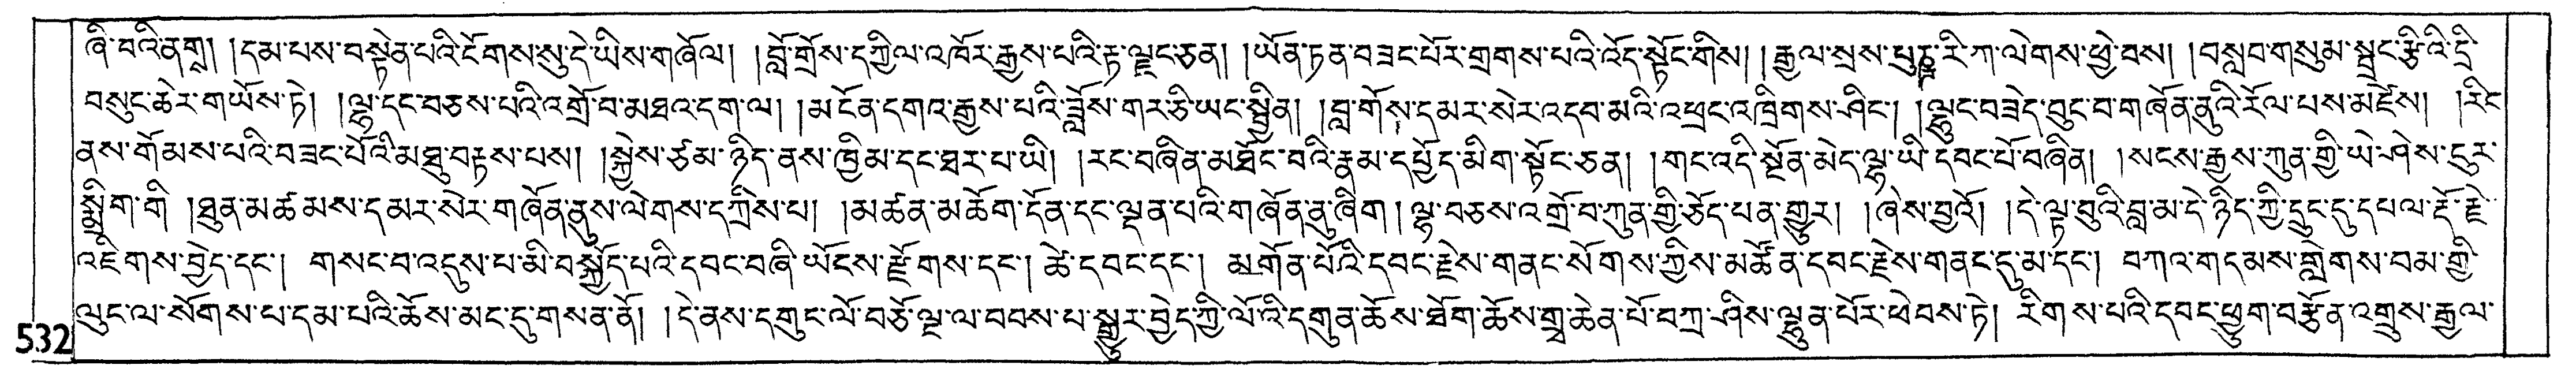ཞི་བའི་ནགས། །དམ་པས་བསྟེན་པའི་ངོགས་སུ་དེ་ཡིས་གཞོལ། །བློ་གྲོས་དཀྱིལ་འཁོར་རྒྱས་པའི་རྟ་ལྗང་ཅན། །ཡོན་ཏན་བཟང་པོར་གྲགས་པའི་འོད་སྟོང་གིས། །རྒྱལ་སྲས་པུཎྜ་རི་ཀ་ལེགས་ཕྱེ་བས། །བསླབ་གསུམ་སྦྲང་རྩིའི་དྲི་
བསུང་ཆེར་གཡོས་ཏེ། །ལྷ་དང་བཅས་པའི་འགྲོ་བ་མཐའ་དག་ལ། །མངོན་དགའ་རྒྱས་པའི་ཟློས་གར་ཅི་ཡང་སྦྱིན། །བླ་གོས་དམར་སེར་འདབ་མའི་འཕྲང་འཁྲིགས་ཤིང་། །ལྷུང་བཟེད་བུང་བ་གཞོན་ནུའི་རོལ་པས་མཛེས། །རིང་
ནས་གོམས་པའི་བཟང་པོའི་མཐུ་བརྟས་པས། །སྐྱེས་ཙམ་ཉིད་ནས་ཁྱིམ་དང་ཐར་པ་ཡི། །རང་བཞིན་མཐོང་བའི་རྣམ་དཔྱོད་མིག་སྟོང་ཅན། །གང་འདི་སྔོན་མེད་ལྷ་ཡི་དབང་པོ་བཞིན། །སངས་རྒྱས་ཀུན་གྱི་ཡེ་ཤེས་ངུར་
སྨྲིག་གི །ཐུན་མཚམས་དམར་སེར་གཞོན་ནུས་ལེགས་དཀྲིས་པ། །མཚན་མཆོག་དོན་དང་ལྡན་པའི་གཞོན་ནུ་ཞིག །ལྷ་བཅས་འགྲོ་བ་ཀུན་གྱི་ཅོད་པན་གྱུར། །ཞེས་བྱའོ། །དེ་ལྟ་བུའི་བླ་མ་དེ་ཉིད་ཀྱི་དྲུང་དུ་དཔལ་རྡོ་རྗེ་
འཇིགས་བྱེད་དང་། གསང་བ་འདུས་པ་མི་བསྐྱོད་པའི་དབང་བཞི་ཡོངས་རྫོགས་དང་། ཚེ་དབང་དང་། མགོན་པོའི་དབང་རྗེས་གནང་སོགས་ཀྱིས་མཚོན་དབང་རྗེས་གནང་དུ་མ་དང་། བཀའ་གདམས་གླེགས་བམ་གྱི་
ལུང་ལ་སོགས་པ་དམ་པའི་ཆོས་མང་དུ་གསན་ནོ། །དེ་ནས་དགུང་ལོ་བཅོ་ལྔ་ལ་བབས་པ་སྒྱུར་བྱེད་ཀྱི་ལོ་འི་དགུན་ཆོས་ཐོག་ཆོས་གྲྭ་ཆེན་པོ་བཀྲ་ཤིས་ལྷུན་པོར་ཕེབས་ཏེ། རིགས་པའི་དབང་ཕྱུག་བརྩོན་འགྲུས་རྒྱལ་